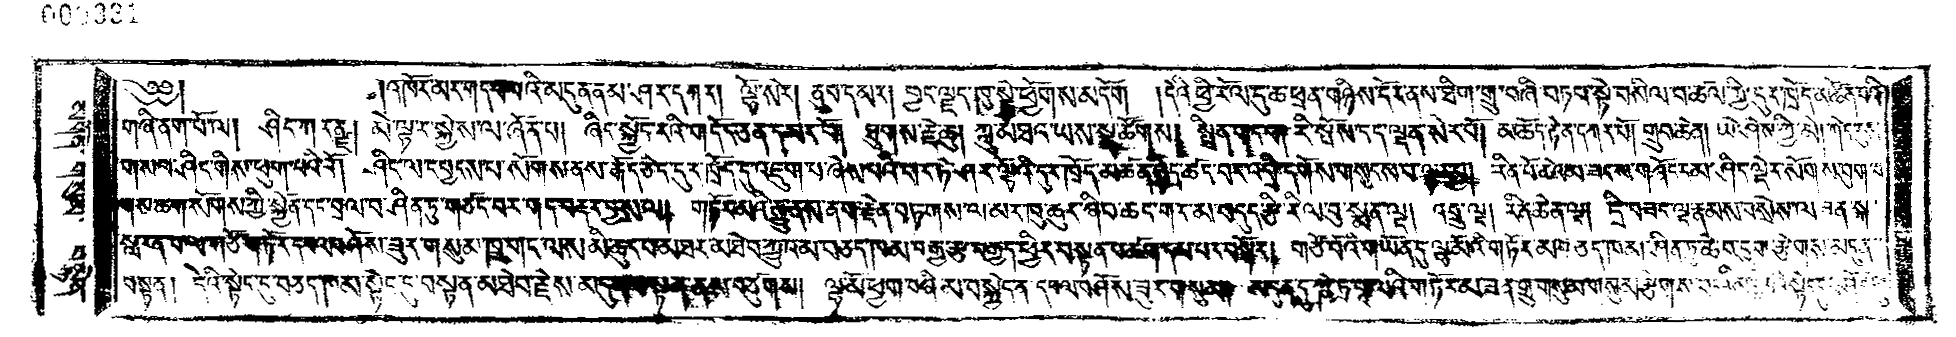༄༅། །འཁོར་མར་གདབ་པའི་མདུན་ནམ་ཤར་དཀར། ལྷོ་སེར། ནུབ་དམར། བྱང་ལྗང་ཁུ་སྟེ་ཕྱོགས་མདོག །དེའི་ཕྱི་རོལ་དུ་ཆ་ཕྲན་གཉིས་དོར་ནས་ཐིག་གྲུ་བཞི་བཏབ་སྟེ་བསིལ་བ་ཚལ་གྱི་དུར་ཁྲོད་མཚོན་པའི་
གཞི་ནག་པོ་ལ། ཤིང་ཀརྣྫ། མེ་ལྷ་ར་སྐྱེས་ལ་ཞོན་པ། ཞིང་སྐྱོང་རའི་གདོང་ཅན་དམར་པོ། ཐུགས་རྗེ་ཆུ། ཀླུ་མཐའ་ཡས་སྣ་ཚོགས། སྤྲིན་གང་བ། རི་སྤོས་ངད་ལྡན་སེར་པོ། མཆོད་རྟེན་དཀར་པོ། གྲུབ་ཆེན། ཡེ་ཤེས་ཀྱི་མེ། ཀེང་རུས་
གསལ་ཤིང་གིས་ཕུག་པའི་བོ། ཤིང་ལ་དཔྱངས་པ་སོགས་ནས་རྒོད་ཅིང་དུར་ཁྲོད་དུ་འཇུག་པ་ཞེས་པའི་བར་ཏེ་ཤར་ལྷོའི་དུར་ཁྲོད་མཚན་ཉིད་ཚང་བར་འབྲི་དགོས་གསུངས་པ་ལྟར་བྱ། རིན་པོ་ཆེའམ་ཟངས་གཞོང་ངམ་ཤིང་ལྡེར་སོགས་བུག་པ་
གས་ཆག་སོགས་ཀྱི་སྐྱོན་དང་བྲལ་བ་ཤིན་ཏུ་གཙང་བར་གད་བརྡར་བྱས་ལ། གཏོར་མའི་རྒྱུ་ནས་ནག་རྗེན་བཏགས་ལ་མར་ཁུ་ཆུར་ཞིབ་ཆང་གར་མ་བདུད་རྩི་རིལ་བུ་སྨན་ལྔ། འབྲུ་ལྔ། རིན་ཆེན་ལྔ། དྲི་བཟང་ལྔ་རྣམས་བསྲེས་ལ་ཟན་སྐ་
སླ་རན་པ་ལ་གཙོ་གཏོར་དཔལ་བཤོས་ཟུར་གསུམ་ཁྲུ་གང་ལས་མི་ཆུང་བ་མཐར་མཐེབ་ཀྱུ་འམ་བཅད་ཁམ་བརྒྱ་རྩ་བརྒྱད་ཕྱིར་བསྟན་པ་ཚག་དམ་པར་བསྐོར། གཙོ་བོའི་གཡོན་དུ་ལྷ་མོའི་གཏོར་མ་བཅད་ཁམ་ཤིན་ཏུ་ཆེ་བ་དྲུག་རྩེགས་མདུན་
བསྟན། དེའི་སྟེང་དུ་བཅད་ཁམ་སྟེང་དུ་བསྟན་མཐེབ་རྗེས་མདུན་བསྟན་ནས་བཙུགས། ལྷ་མོ་ཕྱག་བཞི་མ་བསྐྱེད་ན་དཔལ་བཤོས་ཟུར་གསུམ། མདུན་དུ་ཀྵེ་ཏྲ་པཱ་ལའི་གཏོར་མ་ཟན་གྲུ་གསུམ་གསུམ་རྩེགས་བང་རིམ་ལྟ་བུའི་སྟེང་དུ་བཤོས་བུ་